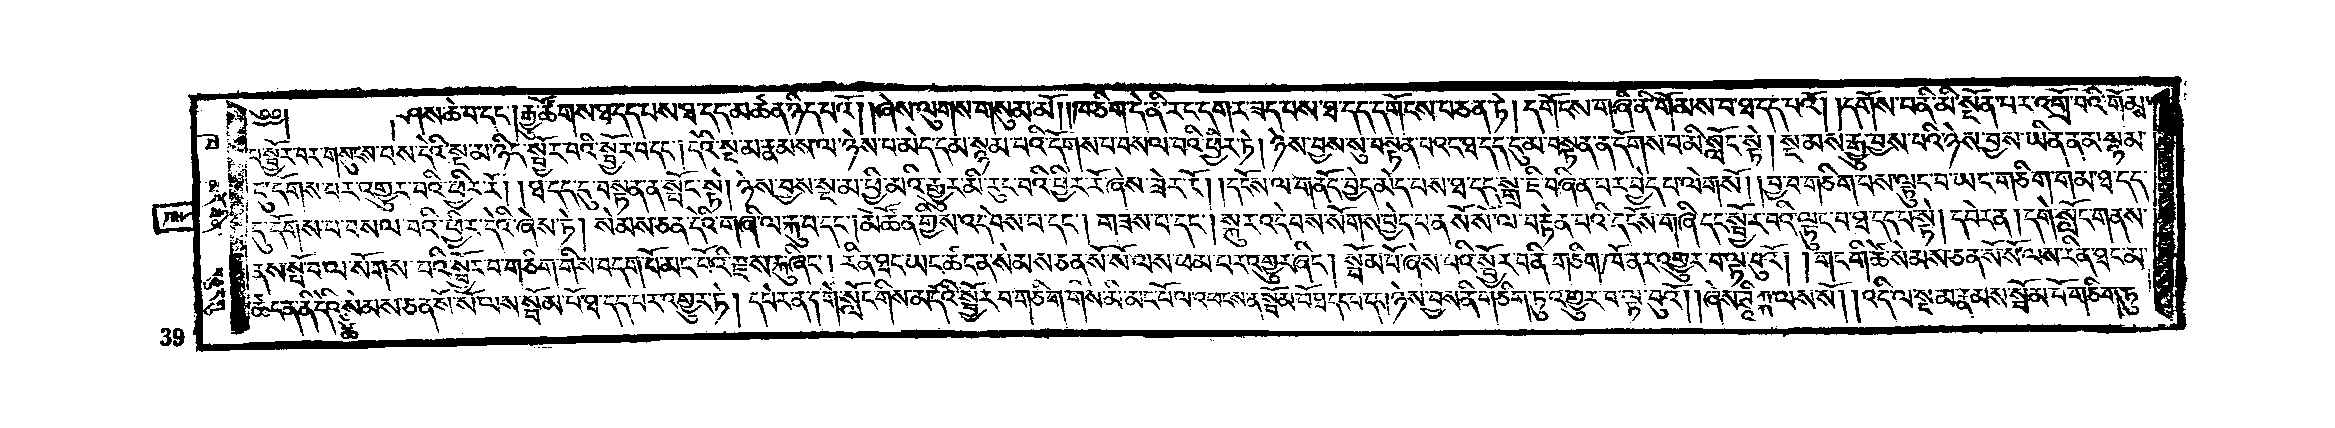༄༅། །ཤས་ཆེ་བ་དང་། རྒྱུ་ཚོགས་ཐ་དད་པས་ཐ་དད་མཚན་ཉིད་པའོ། །ཞེས་ལུགས་གསུམ་མོ། །ཁ་ཅིག་དེ་ནི་རང་དགར་ཟད་པས་ཐ་དད་དགོངས་པ་ཅན་ཏེ། དགོངས་གཞི་ནི་གོམས་པ་ཐ་དད་པའོ། །དགོས་པ་ནི་མི་སྔོན་པར་འགྲོ་བའི་གོམས་
པ་སྦྱོར་བར་གསུངས་པས་དེའི་སྔ་མ་ཉིད་སྦྱོར་བའི་སྦྱོར་བ་དང་། དེའི་སྔ་མ་རྣམས་ལ་ཉེས་པ་མེད་དམ་སྙམ་པའི་དོགས་པ་བསལ་བའི་ཕྱིར་ཏེ། ཉེས་བྱས་སུ་བསྟན་པའང་ཐ་དད་དུ་མ་བསྟན་ན་དོགས་པ་མི་སློང་སྟེ། སྔ་མས་རྒྱུ་བྱས་པའི་ཉེས་བྱས་ཡིན་ནམ་སྙམ་
དུ་དོགས་པར་འགྱུར་བའི་ཕྱིར་རོ། །ཐ་དད་དུ་བསྟན་ན་སྤོང་སྟེ། ཉེས་བྱས་སྔ་མ་ཕྱི་མའི་རྒྱུར་མི་རུང་བའི་ཕྱིར་རོ་ཞེས་ཟེར་རོ། །དངོས་ལ་གནོད་བྱེད་མེད་པས་ཐ་དད་སྒྲ་ཇི་བཞིན་པར་བྱེད་པ་ལེགས་སོ། །བྱ་བ་གཅིག་པས་ལྟུང་བ་ཡང་གཅིག་གམ་ཐ་དད་
དུ་དོགས་པ་བསལ་བའི་ཕྱིར་དེའི་ཞེས་ཏེ། སེམས་ཅན་དེའི་གཞི་ལ་རྐུ་བ་དང་། མཚོན་གྱིས་འདེབས་པ་དང་། གཟས་པ་དང་། སྐུར་འདེབས་སོགས་བྱེད་པ་ན་སོ་སོ་ལ་བརྟེན་པའི་དངོས་གཞི་དང་སྦྱོར་བའི་ལྟུང་བ་ཐ་དད་པ་སྟེ། དཔེར་ན། དགེ་སློང་གནས་
ནས་སྤོ་བ་ལ་སོགས་པའི་སྦྱོར་བ་གཅིག་གིས་བདག་པོ་མང་པོའི་རྫས་རྐུ་ཞིང་། རིན་ཐང་ཡང་ཚང་ན་སེམས་ཅན་སོ་སོ་ལས་ཕམ་པར་འགྱུར་ཞིང་། སྦོམ་པོ་ཞེས་པའི་སྦྱོར་བ་ནི་གཅིག་ཁོ་ནར་འགྱུར་བ་ལྟ་བུའོ། །གང་གི་ཚེ་སེམས་ཅན་སོ་སོ་ལས་རིན་ཐང་མ་
ཚང་ན་ནི་དེའི་ཚེ་སེམས་ཅན་སོ་སོ་ལས་སྦོམ་པོ་ཐ་དད་པར་འགྱུར་ཏེ། དཔེར་ན་དགེ་སློང་གིས་མདའི་སྦྱོར་བ་གཅིག་གིས་མི་མང་པོ་ལ་འཕངས་ན་སྦོམ་པོ་ཐ་དད་པ་དང་། ཉེས་བྱས་ནི་གཅིག་ཏུ་འགྱུར་བ་ལྟ་བུའོ། །ཞེས་ཊཱིཀྐ་ལས་སོ། །འདི་ལ་སྔ་མ་རྣམས་སྦོམ་པོ་གཅིག་ཏུ་